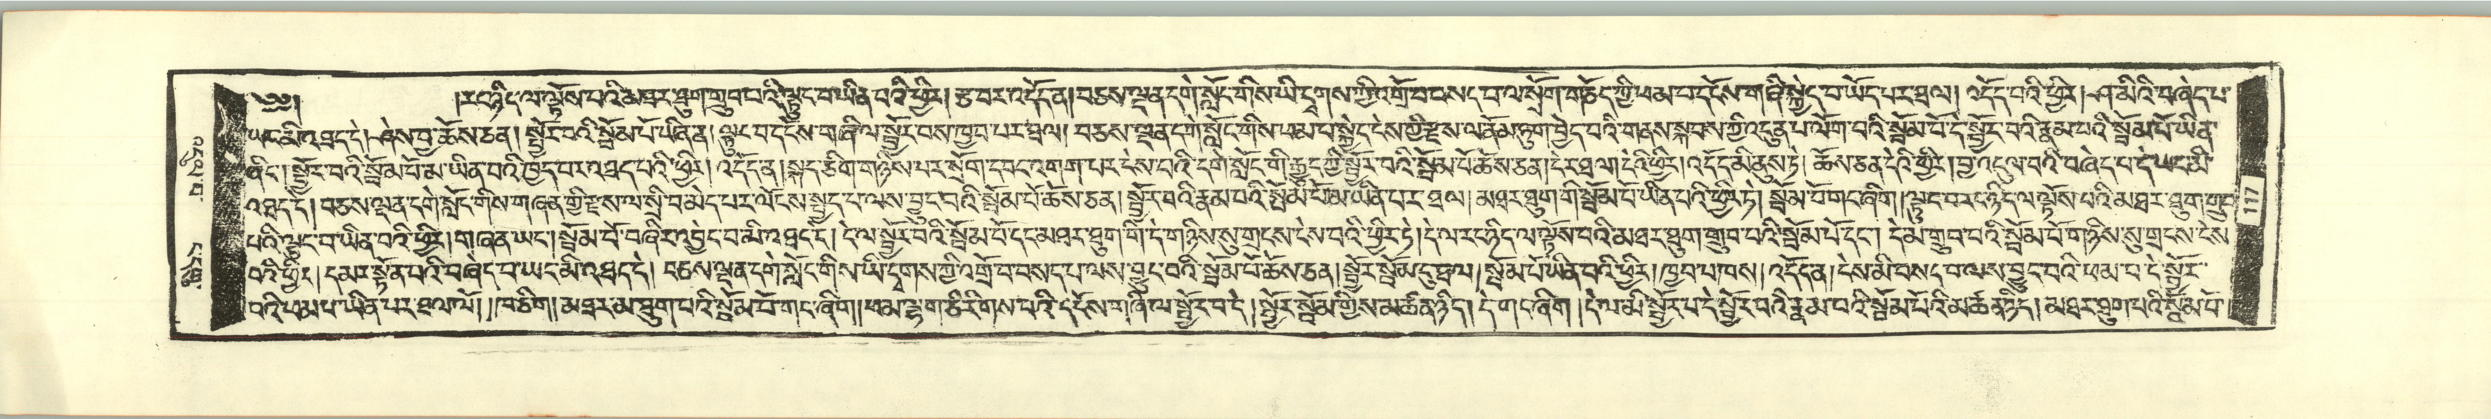༄༅། །རང་ཉིད་ལ་ལྟོས་པའི་མཐར་ཐུག་གྲུབ་པའི་ལྟུང་བ་ཡིན་པའི་ཕྱིར། རྩ་བར་འདོད་ན། བཅས་ལྡན་དགེ་སློང་གིས་ཡི་དྭགས་ཀྱི་འགྲོ་བ་བསད་བ་ལ་སྲོག་གཅོད་ཀྱི་ཕམ་པ་དངོས་གཞི་སྐྱེད་པ་ཡོད་པར་ཐལ། འདོད་པའི་ཕྱིར། ཤ་མིའི་བཞེད་པ་
ཡང་མི་འཐད་དེ། ཤེས་བྱ་ཆོས་ཅན། སྦྱོར་བའི་སྦོམ་པོ་ཡིན་ན། ལྟུང་བ་དངོས་གཞི་ལ་སྦྱོར་བས་ཁྱབ་པར་ཐལ། བཅས་ལྡན་དགེ་སློང་གིས་ཕམ་པ་སྐྱེད་ངེས་ཀྱི་རྫས་ལ་ནོམ་ཉུང་བྱེད་པའི་གནས་སྐབས་ཀྱི་འདུན་པ་ལོག་པའི་སྦོམ་པོ་དེ་སྦྱོར་བའི་རྣམ་པའི་སྦོམ་པོ་ཡིན་
ཞིང་།སྦྱོར་བའི་སྦོམ་པོ་མ་ཡིན་པའི་ཁྱད་པར་འཐད་པའི་ཕྱིར། འདོད་ན། སྐད་ཅིག་གཉིས་པར་སྲོག་དབང་འགག་པར་ངེས་པའི་དགེ་སློང་གི་རྒྱུད་ཀྱི་སྦྱོར་བའི་སྦོམ་པོ་ཆོས་ཅན། དེར་ཐལ། དེའི་ཕྱིར། འདོད་མི་ནུས་ཏེ། ཆོས་ཅན་དེའི་ཕྱིར། བྱ་འདུལ་བའི་བཞེད་པ་དེ་ཡང་མི་
འཐད་དེ། བཅས་ལྡན་དགེ་སློང་གིས་གཞན་གྱི་རྫས་ལ་སྲི་བ་མེད་པར་ལོངས་སྤྱད་པ་ལས་བྱུང་བའི་སྦོམ་པོ་ཆོས་ཅན། སྦྱོར་བའི་རྣམ་པའི་སྦོམ་པོ་མ་ཡིན་པར་ཐལ། མཐར་ཐུག་གི་སྦོམ་པོ་ཡིན་པའི་ཕྱིར་ཏེ། སྦོམ་པོ་གང་ཞིག །ལྟུང་བ་རང་ཉིད་ལ་ལྟོས་པའི་མཐར་ཐུག་གྲུབ་
པའི་ལྟུང་བ་ཡིན་པའི་ཕྱིར། གཞན་ཡང་། སྦོམ་པོ་བཞིར་འབྱེད་པ་མི་འཐད་དེ། དེ་ལ་སྦྱོར་བའི་སྦོམ་པོ་དང་མཐར་ཐུག་གི་དེ་གཉིས་སུ་གྲངས་ངེས་བའི་ཕྱིར་ཏེ། དེ་ལ་རང་ཉིད་ལ་ལྟོས་པའི་མཐར་ཐུག་གྲུབ་པའི་སྦོམ་པོ་དང་། དེ་མ་གྲུབ་པའི་སྦོམ་པོ་གཉིས་སུ་གྲངས་ངེས་
བའི་ཕྱིར། དམར་སྟོན་པའི་བཞེད་པ་ཡང་མི་འཐད་དེ། བཅས་ལྡན་དགེ་སློང་གིས་ཡི་དྭགས་ཀྱི་འགྲོ་བ་བསད་པ་ལས་བྱུང་བའི་སྦོམ་པོ་ཆོས་ཅན། སྦྱོར་སྦོམ་དུ་ཐལ། སྦོམ་པོ་ཡིན་པའི་ཕྱིར། ཁྱབ་པ་ཁས། འདོད་ན། དེས་མི་བསད་པ་ལས་བྱུང་བའི་ཕམ་པ་དེ་སྦྱོར་
བའི་ཕམ་པ་ཡིན་པར་ཐལ་ལོ། །ཁ་ཅིག །མཐར་མ་ཐུག་པའི་སྦོམ་པོ་གང་ཞིག །ཕམ་ལྷག་ཅི་རིགས་པའི་དངོས་གཞི་ལ་སྦྱོར་བ་དེ། སྦྱོར་སྦོམ་གྱིས་མཚན་ཉིད། དེ་གང་ཞིག །དེ་ལ་མི་སྦྱོར་པ་དེ་སྦྱོར་བའི་རྣམ་པའི་སྦོམ་པོའི་མཚན་ཉིད། མཐར་ཐུག་པའི་སྦོམ་པོ་